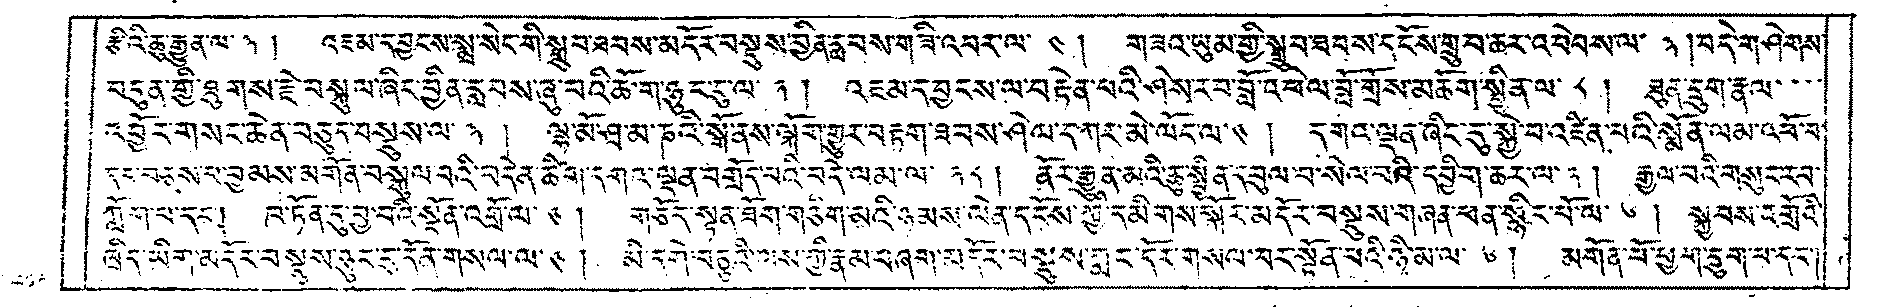རྩིའི་ཆུ་རྒྱུན་ལ ༣། འཇམ་དབྱངས་སྨྲ་སེང་གི་སྒྲུབ་ཐབས་མདོར་བསྡུས་བྱིན་རླབས་གཟི་འབར་ལ ༤། གཟའ་ཡུམ་གྱི་སྒྲུབ་ཐབས་དངོས་གྲུབ་ཆར་འབེབས་ལ ༣། བདེ་གཤེགས་
བདུན་གྱི་ཐུགས་རྗེ་བསྐུལ་ཞིང་བྱིན་རླབས་ཞུ་བའི་ཆོ་ག་ཉུང་ངུ་ལ ༢། འཇམ་དབྱངས་ལ་བརྟེན་པའི་ཤེས་རབ་བློ་འཕེལ་བློ་གྲོས་མཆོག་སྦྱིན་ལ ༨། ཐུན་དྲུག་རྣལ་
འབྱོར་གསང་ཆེན་བཅུད་བསྡུས་ལ ༣། ལྷ་མོ་ཤྲ་མ་ཎའི་སྒོ་ནས་ལྐོག་གྱུར་བརྟག་ཐབས་ཤེལ་དཀར་མེ་ལོང་ལ ༤། དགའ་ལྡན་ཞིང་དུ་སྐྱེ་བ་འཛིན་པའི་སྨོན་ལམ་འཕོ་བ་
དང་བཅས་པ་བྱམས་མགོན་བསྐུལ་བའི་བདེན་ཚིག་དགའ་ལྡན་བགྲོད་པའི་བདེ་ལམ་ལ ༢༨། ནོར་རྒྱུན་མའི་ཆུ་སྦྱིན་དབུལ་བ་སེལ་བའི་དབྱིག་ཆར་ལ ༢། རྒྱལ་བའི་གསུང་རབ་
ཀློག་པ་དང་། ཁ་ཏོན་དུ་བྱ་བའི་སྔོན་འགྲོ་ལ ༤། གཅོད་སྟན་ཐོག་གཅིག་མའི་ཉམས་ལེན་དངོས་ཀྱི་དམིགས་སྐོར་མདོར་བསྡུས་གཞན་ཕན་སྙིང་པོ་ལ ༦། སྐྱབས་འགྲོའི་
ཁྲིད་ཡིག་མདོར་བསྡུས་ཉུང་དུ་དོན་གསལ་ལ ༤། མི་དགེ་བཅུའི་ལས་ཀྱི་རྣམ་བཞག་མདོར་བསྡུས་བླང་དོར་གསལ་བར་སྟོན་པའི་ཉི་མ་ལ ༦། མགོན་པོ་ཕྱག་དྲུག་པ་དང་།